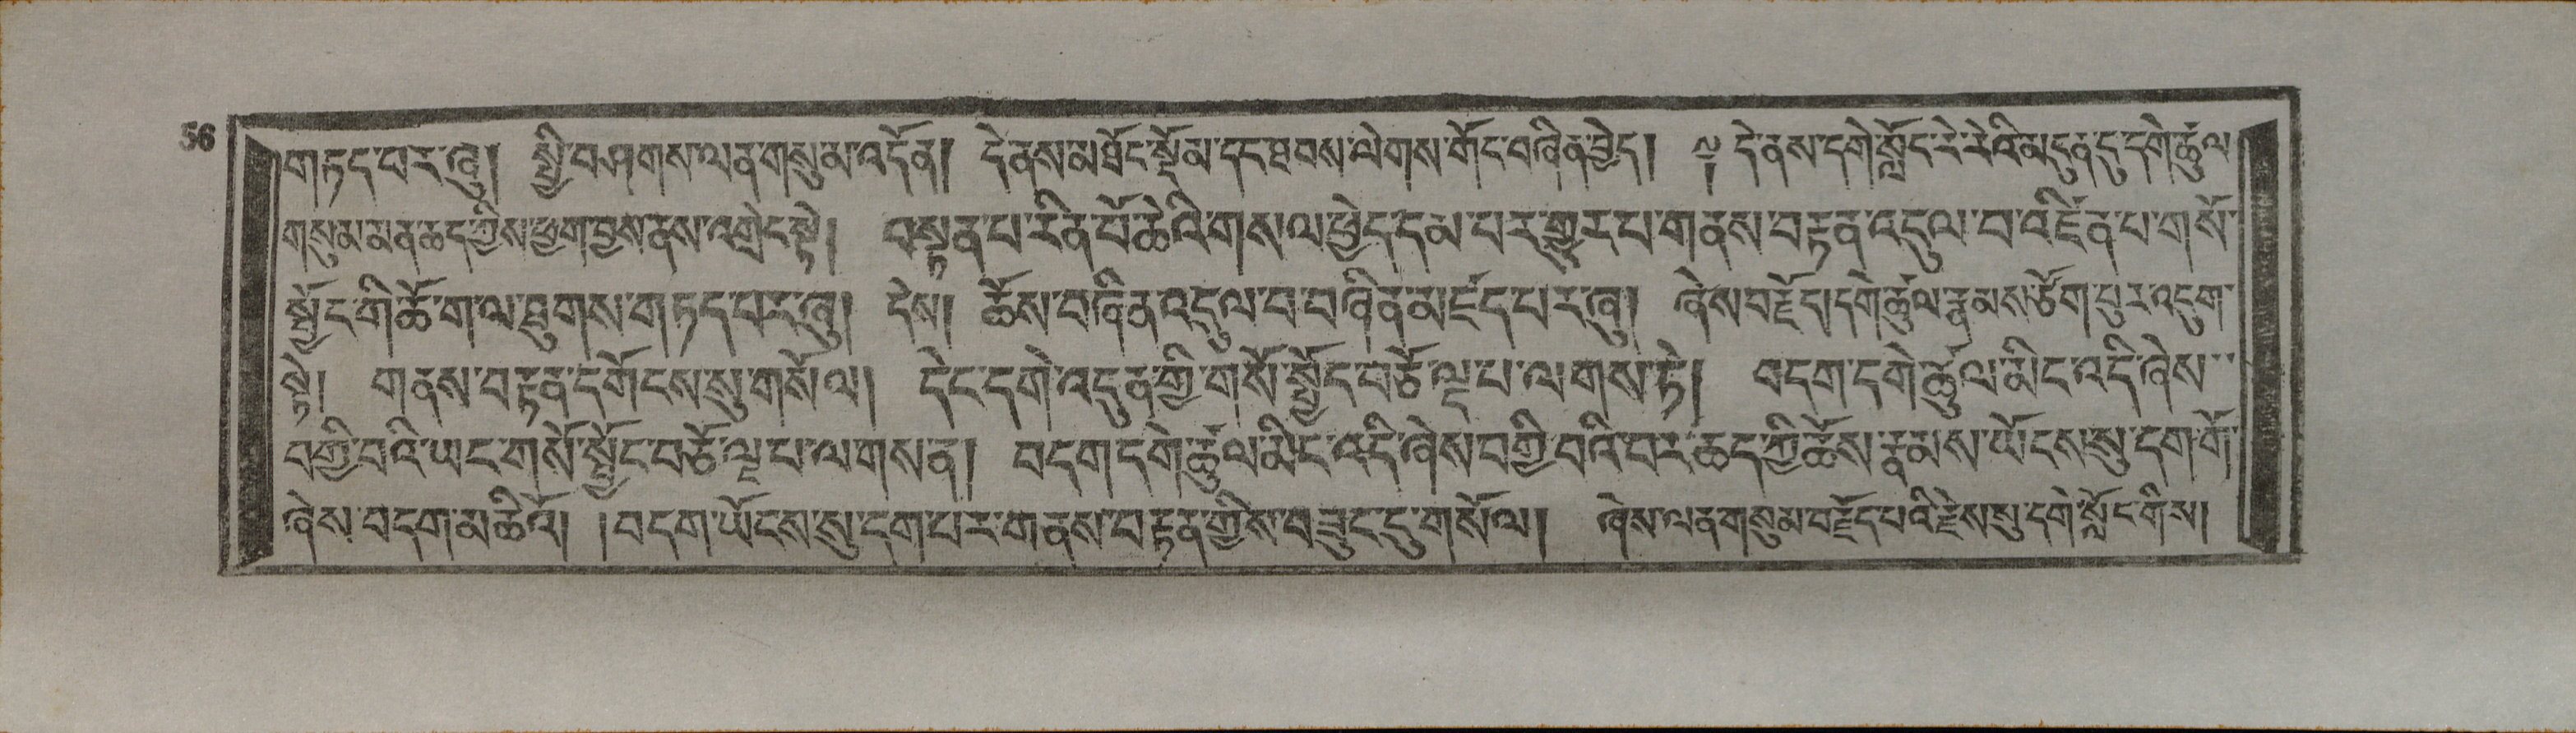གཏད་པར་ཞུ། སྤྱི་བཤགས་ལན་གསུམ་འདོན།
་སྤྱི་བཤགས།
།ཨུ་ཧུ་ལགས། བླ་མ་རྡོ་རྗེ་འཛིན་པ་ཆེན་པོ་ལ་སོགས་པ་ཕྱོགས་བཅུ་ན་བཞུགས་པའི་
སངས་རྒྱས་དང་བྱང་ཆུབ་སེམས་དཔའ་ཐམས་ཅད་དང་། དགེ་འདུན་བཙུན་པ་རྣམས་བདག་ལ་དགོངས་སུ་གསོལ། །བདག་མིང་འདི་ཞེས་བགྱི་བས་ཚེ་རབ་འཁོར་བ་ཐོག་མ་མ་མཆིས་པ་ནས་ད་
ལྟ་ལ་ཐུག་གི་བར་དུ། ཉོན་མོངས་པ་འདོད་ཆགས་དང་ཞེསྡང་དང་གི་མུག་གི་དབང་གིས་ལུས་ངག་ཡིད་གསུམ་གྱི་སྒོ་ནས་སྡིག་པ་མི་དགེ་བ་བཅུ་བགྱིས་པ་དང་། མཚམས་མ་མཆིས་པ་ལྔ་བགྱིས་
པ་དང་། དེ་དང་ཉི་བ་ལྔ་བགྱིས་པ་དང་། སོ་སོར་ཐར་པའི་སྡོམ་པ་དང་འགལ་བ་དང་། བྱང་ཆུབ་སེམས་དཔའི་བསླབ་པ་དང་འགལ་བ་དང་། གསང་སྔགས་ཀྱི་
དམ་ཚིག་དང་འགལ་བ་དང་། ཕ་དང་མ་ལ་མ་གུས་པ་དང་། མཁན་པོ་དང་སློབ་དཔོན་ལ་མ་གུས་པ་དང་། གྲོགས་ཚངས་པ་མཚུངས་པར་སྤྱོད་པ་རྣམས་ལ་མ་གུས་པ་དང་། དཀོན་མཆོག་
གསུམ་ལ་གནོད་པའི་ལས་བགྱིས་པ་དང་། དམ་པའི་ཆོས་སྤངས་པ་དང་། འཕགས་ཨོཔའི་དགེ་འདུན་ལ་སྐུར་པ་བཏབ་པ་དང་། སེམས་ཅན་ལ་གནོད་པའི་ལས་བགྱིས་པ་ལ་སོགས་པ། སྡིག་
པ་མི་དགེ་བའི་ཚོགས་བདག་གིས་བགྱིས་པ་དང་། བགྱིད་དུ་སྩལ་བ་དང་། གཞན་གྱིས་བགྱིས་པ་ལ་རྗེས་སུ་ཡི་རང་བ་ལ་སོགས་པ། མདོར་ན་མཐོ་རིས་དང་ཐར་པའི་གེགས་སུ་གྱུར་ཅིང་འཁོར་
བ་དང་ངན་སོང་གི་རྒྱུར་གྱུར་པའི་ཉེས་ལྟུང་གི་ཚོགས་ཅི་མཆིས་པ་ཐམས་ཅད་བླ་མ་རྡོ་རྗེ་འཛིན་པ་ཆེན་པོ་ལ་སོགས་པ་ཕྱོགས་བཅུ་ན་བཞུགས་པའི་སངས་རྒྱས་དང་བྱང་ཆུབ་སེམས་དཔའ་ཐམས་ཅད་
དང་། དགེ་འདུན་བཙུན་པ་རྣམས་ཀྱི་སྤྱན་སྔར་མཐོལ་ལོ། །མི་འཆབ་བོ། །འཆགས་སོ། །ཕྱིན་ཆད་སྡོམ་པར་བགྱིད་ལགས་སོ། །མཐོལ་ཞིང་བཤགས་ན་བདག་བདེ་བ་ལ་རེག་པར་གནས་
པར་འགྱུར་གྱི། མ་མཐོལ་མ་བཤགས་ན་ནི་མི་འགྱུར་རོ།།
ཨེནད་ཨོཕ༹་ཨདྡེནྡུམ
དེ་ནས་མཐོང་སྡོམ་དང་ཐབས་ལེགས་གོང་བཞིན་བྱེད། ༈ དེ་ནས་དགེ་སློང་རེ་རེའི་མདུན་དུ་དགེ་ཚུལ་
གསུམ་མན་ཆད་ཀྱིས་ཕྱག་བྱས་ནས་འགྲེང་སྟེ། བསྟན་པ་རིན་པོ་ཆེའི་གསལ་ཕྱེད་བྱེད་དམ་པར་གྱུར་པ་གནས་བརྟན་འདུལ་བ་འཛིན་པ་གསོ་
སྦྱོང་གི་ཆོ་ག་ལ་ཐུགས་གཏད་པར་ཞུ། དེས། ཆོས་བཞིན་འདུལ་བ་བཞིན་མཛད་པར་ཞུ། ཞེས་བརྗོད། དགེ་ཚུལ་རྣམས་ཙོག་པུར་འདུག་
སྟེ། གནས་བརྟན་དགོངས་སུ་གསོལ། དེང་དགེ་འདུན་གྱི་གསོ་སྦྱོང་བཅོ་ལྔ་པ་ལགས་ཏེ། བདག་དགེ་ཚུལ་མིང་འདི་ཞེས་
བགྱི་བའི་ཡང་གསོ་སྦྱོང་བཅོ་ལྔ་པ་ལགས་ན། བདག་དགེ་ཚུལ་མིང་འདི་ཞེས་བགྱི་བའི་བར་ཆད་ཀྱི་ཆོས་རྣམས་ཡོངས་སུ་དག་གོ་
ཞེས་བདག་མཆིའོ། །བདག་ཡོངས་སུ་དག་པར་གནས་བརྟན་གྱིས་བཟུང་དུ་གསོལ། ཞེས་ལན་གསུམ་རྗོད་པའི་རྗེས་སུ་དགེ་སློང་གིས།